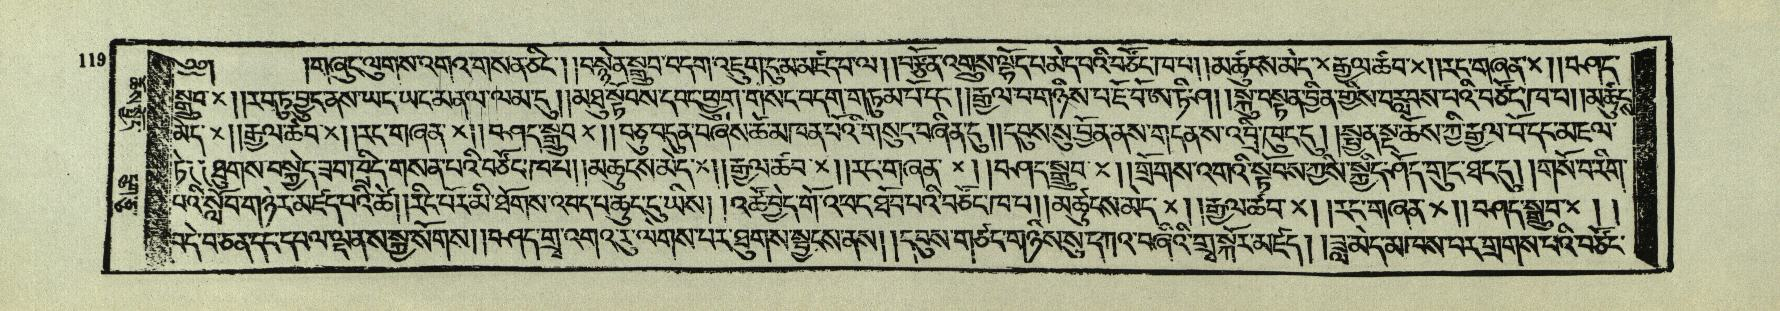༄༅། །གཞུང་ལུགས་འགའ་གསན་ཅིང་། །བསྙེན་སྒྲུབ་བདག་འཇུག་དུ་མ་མཛད་པ་ལ། །བརྩོན་འགྲུས་ལྷོད་པ་མེད་པའི་བཙོང་ཁ་པ། །མཚུངས་མེད་྾་རྒྱལ་ཚབ་྾། །རང་གཞན་྾། །བཤད་
སྒྲུབ་྾། །རབ་ཏུ་བྱུང་ནས་ཡང་ཡང་མནལ་ལམ་དུ། །མཐུ་སྟོབས་དབང་ཕྱུག་གསང་བདག་གཏུམ་པོ་དང་། །རྒྱལ་བ་གཉིས་པ་ཇོ་བོ་ཨ་ཏི་ཤ། །སྐུ་བསྟན་བྱིན་གྱིས་བརླབས་པའི་བཙོང་ཁ་པ། །མཚུངས་
མེད་྾། །རྒྱལ་ཚབ་྾། །རང་གཞན་྾། །བཤད་སྒྲུབ་྾། །བཅུ་བདུན་བཞེས་ཚེ་མཁན་པོའི་གསུང་བཞིན་དུ། །དབུས་སུ་བྱོན་ནས་གདན་ས་འབྲི་ཁུང་དུ། །སྤྱན་སྔ་ཆོས་ཀྱི་རྒྱལ་པོ་དང་མཇལ་
ཏེ༑ ༑ཐུགས་བསྐྱེད་ཟབ་ཁྲིད་གསན་པའི་བཙོང་ཁ་པ། །མཆུངས་མེད་྾། །རྒྱལ་ཚབ་྾། །རང་གཞན་྾། །བཤད་སྒྲུབ་྾། །གྲོགས་འགའི་སྟོབས་ཀྱིས་སྐྱིད་ཤོད་གུང་ཐང་དུ། །གསོ་བ་རིག་
པའི་སློབ་གཉེར་མཛད་པའི་ཚེ། །རིང་པོར་མི་ཐོགས་འབད་པ་ཆུང་དུ་ཡིས། །འཚོ་བྱེད་གོ་འཕང་ཐོབ་པའི་བཙོང་ཁ་པ། །མཚུངས་མེད་྾། །རྒྱལ་ཚབ་྾། །རང་གཞན་྾། །བཤད་སྒྲུབ་྾། །
བདེ་བ་ཅན་དང་དཔལ་ལྡན་ས་སྐྱ་སོགས། །བཤད་གྲྭ་འགའ་རུ་ལེགས་པར་ཐུགས་སྦྱངས་ནས། །དབུས་གཙང་གཉིས་སུ་དཀའ་བཞིའི་གྲྭ་སྐོར་མཛད། །ཟླ་མེད་མཁས་པར་གྲགས་པའི་བཙོང་